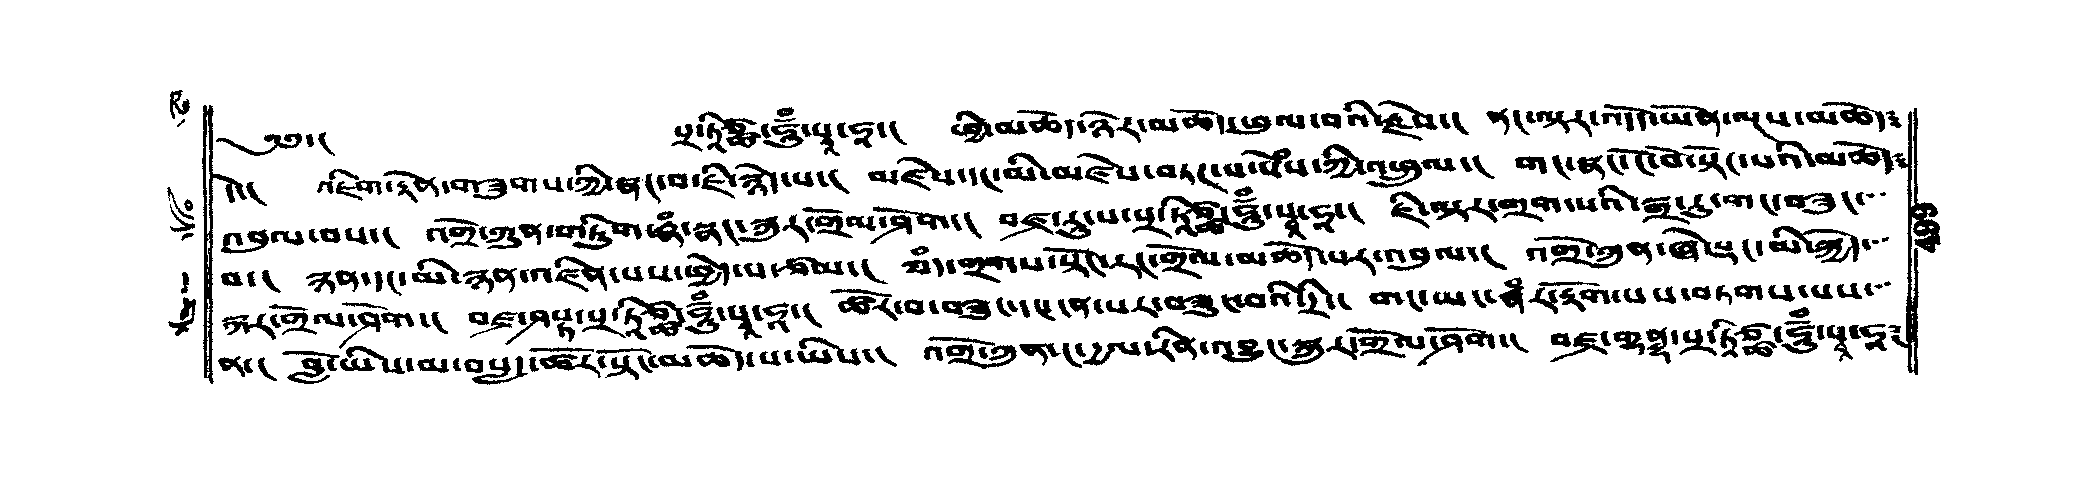པྲ་ཏཱིཙྪ་སྭཱ་ཧཱ། ཕྱི་མཆོད་ཉེར་མཆོད་ཕུལ་བའི་རྗེས། །ནང་ལྟར་ལོངས་སྤྱོད་ལྔས་མཆོད་
དེ། །འཇིག་རྟེན་གཟུགས་ཀྱི་སྣང་བ་ཇི་སྙེད་པ། །མཛེས་དང་མི་མཛེས་སྣང་བ་སེམས་ཀྱིས་འཕྲུལ། །གང་སྣང་ངོ་བོ་སྟོང་པའི་མཆོད་
འབུལ་བས། །འགྲོ་ཀུན་གཏི་མུག་རྣམ་སྣང་སྐུར་གྲོལ་ཤོག་བཛྲ་རཱུ་པ་པྲ་ཏཱིཙྪ་སྭཱ་ཧཱ། ཇི་ལྟར་གྲགས་པའི་སྒྲ་རུ་གང་བཟུང་
བ། །སྙན་དང་མི་སྙན་འཛིན་པས་ཕྱེད་པ་ཙམ། །ཐམས་ཅད་གྲགས་སྟོང་རང་གྲོལ་མཆོད་པར་འབུལ། །འགྲོ་ཀུན་ཞེ་སྡང་མི་སྐྱེད་
སྐུར་ཤོག་།བཛྲ་ཤཔྟ་པྲ་ཏཱིཙྪ་སྭཱ་ཧཱ། ཚོར་བ་བཟུང་དང་ངན་པར་བཟུང་བའི་དྲི། །གང་ཡང་རྣམ་པར་རྟོག་པས་བཏགས་པས་
ན། །བློ་ཡིས་མ་བསླད་ཚོར་སྟོང་མཆོད་པ་ཡི། །འགྲོ་ཀུན་ང་རྒྱལ་རིན་འབྱུང་སྐུར་གྲོལ་ཤོག་།བཛྲ་གྷནྡྷ་པྲ་ཏཱིཙྪ་ཧཱུྃ་སྭཱ་ཧཱ།